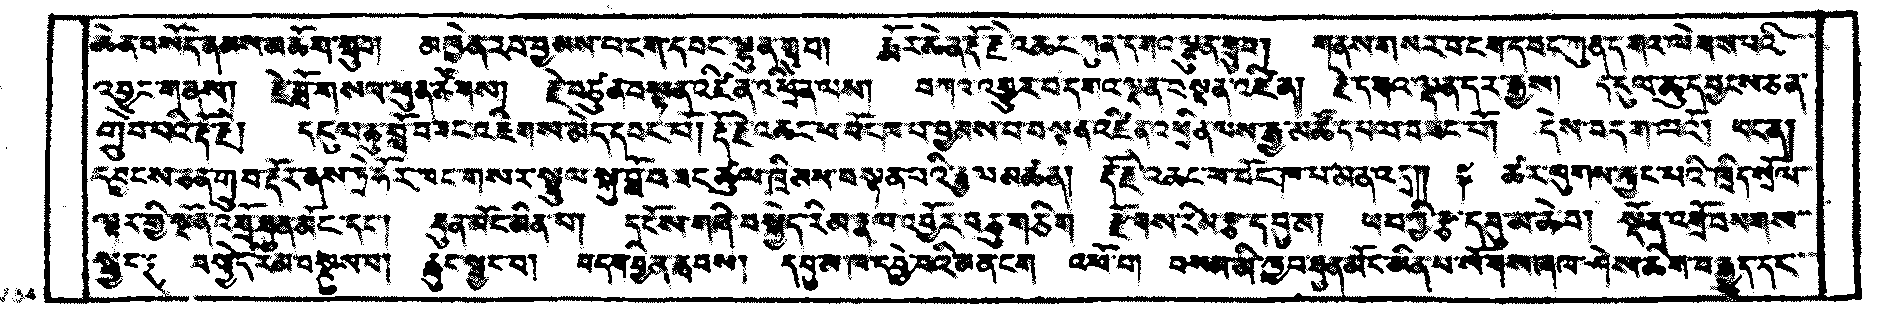ཆེན་བསོད་ནམས་མཆོག་གྲུབ། མཁྱེན་རབ་བྱམས་པ་ངག་དབང་ལྷུན་གྲུབ། རྨོར་ཆེན་རྡོ་རྗེ་འཆང་ཀུན་དགའ་ལྷུན་གྲུབ། གནས་གསར་བ་ངག་དབང་ཀུན་དགའ་ལེགས་པའི་
འབྱུང་གནས། རྗེ་བློ་གསལ་ཕུན་ཚོགས། རྗེ་བཙུན་བསྟན་འཛིན་འཕྲིན་ལས། བཀའ་འགྱུར་བ་དགའ་ལྡན་བསྟན་འཛིན། རྗེ་དགའ་ལྡན་དར་རྒྱས། དངུལ་ཆུ་དབྱངས་ཅན་
གྲུབ་པའི་རྡོ་རྗེ། དངུལ་ཆུ་བློ་བཟང་འཇིགས་མེད་དབང་པོ། རྡོ་རྗེ་འཆང་ཕ་བོང་ཁ་པ་བྱམས་པ་བསྟན་འཛིན་འཕྲིན་ལས་རྒྱ་མཚོ་དཔལ་བཟང་པོ། དེས་བདག་ལའོ། ཡང་ན།
དབྱངས་ཅན་གྲུབ་རྡོར་ནས་ཏྲེ་ཧོར་ཁང་གསར་སྤྲུལ་སྐུ་བློ་བཟང་ཚུལ་ཁྲིམས་བསྟན་པའི་རྒྱལ་མཚན། རྡོ་རྗེ་འཆང་ཕ་བོང་ཁ་པ་མན་འདྲ།། ༈ ཚར་ལུགས་རྐྱང་པའི་ཁྲིད་སྲོལ་
ལྟར་གྱི་སྔོན་འགྲོ་ཐུན་མོང་དང་། ཐུན་མོང་མིན་པ། དངོས་གཞི་བསྐྱེད་རིམ་རྣལ་འབྱོར་བཅུ་གཅིག་རྫོགས་རིམ་རྩ་དབུ་མ། ཡབ་ཀྱི་རྩ་དབུ་མ་ཆེ་བ། སྔོན་འགྲོ་བསགས་
སྦྱང༑ བསྐྱེད་རིམ་བསྡུས་པ། རླུང་སྦྱང་བ། བདག་བྱིན་རླབས། དབུ་མ་ཁ་དབྱེ་བའི་མན་ངག་འཕོ་བ། བསམ་མི་ཁྱབ་ཐུན་མོང་མིན་པ་སོགས་ཞལ་ཤེས་ཆིག་བརྒྱུད་དང་